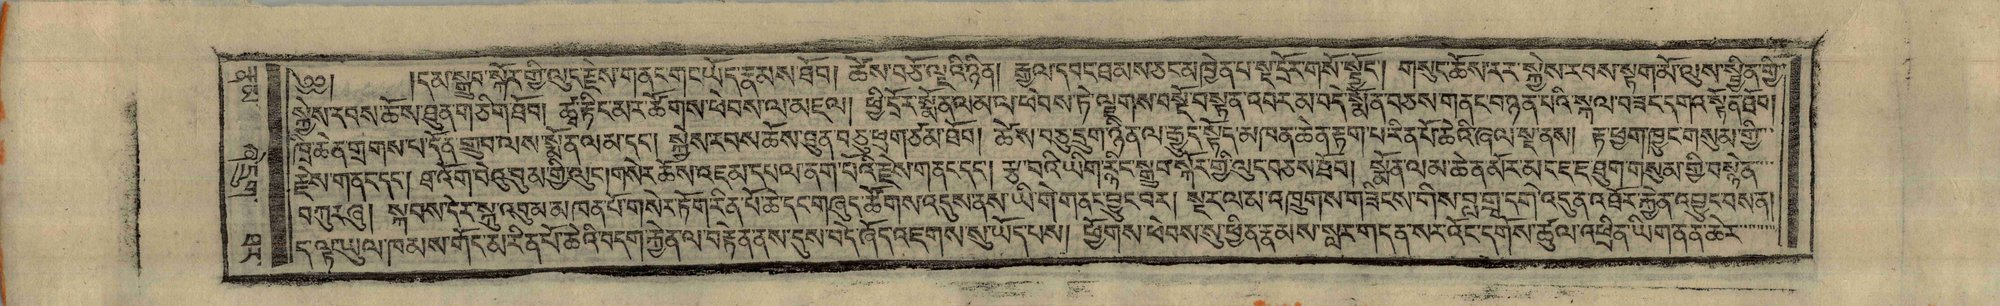༄༅། །དམ་སྒྲུབ་སྐོར་གྱི་ལུང་རྗེས་གནང་གང་ཡོད་རྣམས་ཐོབ། ཚེས་བཅོ་ལྔའི་ཉིན། རྒྱལ་དབང་ཐམས་ཅད་མཁྱེན་པ་སྔ་དྲོར་གསོ་སྦྱོང་། གསུང་ཆོས་རར་སྐྱེས་རབས་སྟག་མོ་ལུས་སྦྱིན་གྱི་
སྐྱེས་རབས་ཆོས་ཐུན་གཅིག་ཐོབ། ཚྭ་རྟིང་མར་ཚོགས་ཕེབས་ལ་མཇལ། ཕྱི་དྲོར་སྨོན་ལམ་ལ་ཕེབས་ཏེ་ལྗགས་བསྔོ་བསྟན་འབར་མ་བདེ་སྨོན་བཅས་གནང་བ་ཉན་པའི་སྐལ་བཟང་དགའ་སྟོན་ཐོབ།
ཁྲི་ཆེན་གྲགས་པ་དོན་གྲུབ་ལས་སྨོན་ལམ་དང་། སྐྱེས་རབས་ཆོས་ཐུན་བཅུ་ཕྲག་ཙམ་ཐོབ། ཚེས་བཅུ་དྲུག་ཉིན་ལ་རྒྱུད་སྟོད་མཁན་ཆེན་རྟག་པ་རིན་པོ་ཆེའི་ཞལ་སྔ་ནས། རྟ་ཕྱག་ཁྱུང་གསུམ་གྱི་
རྗེས་གནང་དང་། ཐ་འོག་བེའུ་བུམ་གྱི་ལུང་། གསེར་ཆོས་འཇམ་དཔལ་ནག་པོའི་རྗེས་གནང་དང་། རྩ་བའི་ཡིག་རྙིང་སྒྲུབ་སྐོར་གྱི་ལུང་བཅས་ཐོབ། སྨོན་ལམ་ཆེན་མོར་མང་ཇ་ཇ་ཐུག་གསུམ་གྱི་བསྙེན་
བཀུར་ཞུ། སྐབས་དེར་སྐུ་འབུམ་མཁན་པོ་གསེར་ཏོག་རིན་པོ་ཆེ་དང་གཞུང་ཚོགས་འདུས་ནས་ཡི་གེ་གནང་བྱུང་བར། སྔར་ལམ་འཁྲུགས་གཟིངས་གིས་བླ་གྲྭ་དགེ་འདུན་འཐོར་རྐྱེན་འབྱུང་བས་ན།
ད་ལྟ་ཡུལ་ཁམས་གོང་མ་རིན་པོ་ཆེའི་བདག་རྐྱེན་ལ་བརྟེན་ནས་དུས་བདེ་ཞོད་འཇགས་སུ་ཡོད་པས། ཕྱོགས་ཕེབས་སུ་ཕྱིན་རྣམས་སླར་གདན་སར་འོང་དགོས་ཚུལ་འཕྲིན་ཡིག་ནན་ཆེར་